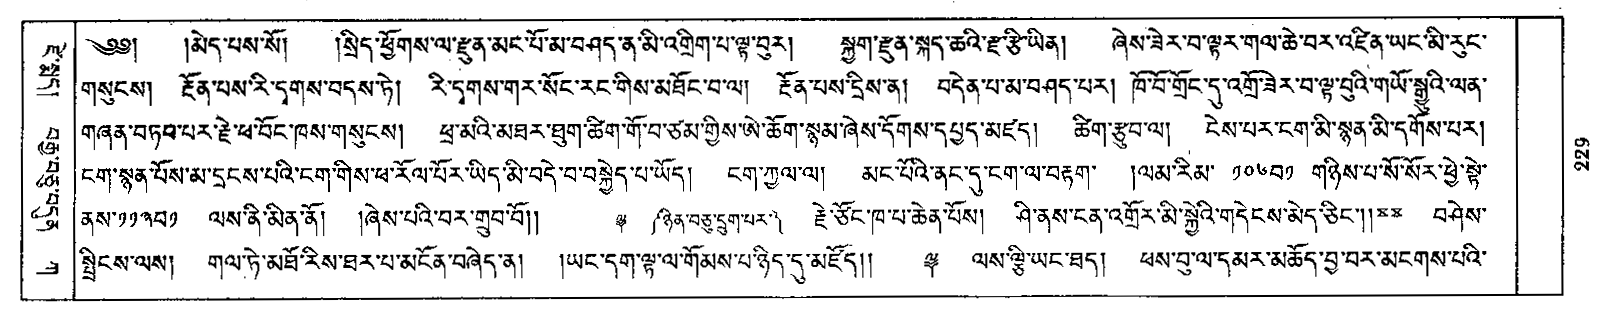༄༅། །མེད་པས་སོ། །སྲིད་ཕྱོགས་ལ་རྫུན་མང་པོ་མ་བཤད་ན་མི་འགྲིག་པ་ལྟ་བུར། སྐྱག་རྫུན་སྐད་ཆའི་རྫ་རྩི་ཡིན། ཞེས་ཟེར་བ་ལྟར་གལ་ཆེ་བར་འཛིན་ཡང་མི་རུང་
གསུངས། རྔོན་པས་རི་དྭགས་བདས་ཏེ། རི་དྭགས་གར་སོང་རང་གིས་མཐོང་བ་ལ། རྔོན་པས་དྲིས་ན། བདེན་པ་མ་བཤད་པར། ཁོ་བོ་གྲོང་དུ་འགྲོ་ཟེར་བ་ལྟ་བུའི་གཡོ་སྒྱུའི་ལན་
གཞན་བཏབ་པར་རྗེ་ཕ་བོང་ཁས་གསུངས། ཕྲ་མའི་མཐར་ཐུག་ཚིག་གོ་བ་ཙམ་གྱིས་ཨེ་ཆོག་སྙམ་ཞེས་དོགས་དཔྱད་མཛད། ཚིག་རྩུབ་ལ། ངེས་པར་ངག་མི་སྙན་མི་དགོས་པར།
ངག་སྙན་པོས་མ་དྲངས་པའི་ངག་གིས་ཕ་རོལ་པོར་ཡིད་མི་བདེ་བ་བསྐྱེད་པ་ཡོད། ངག་ཀྱལ་ལ། མང་པོའི་ནང་དུ་ངག་ལ་བརྟག །ལམ་རིམ ༡༠༦་བ ༡་གཉིས་པ་སོ་སོར་ཕྱེ་སྟེ་
ནས ༡༡༣་བ ༡་ལས་ནི་མིན་ནོ། །ཞེས་པའི་བར་གྲུབ་བོ།། ༈ ཉིན་བཅུ་དྲུག་པར྄་རྗེ་ཙོང་ཁ་པ་ཆེན་པོས། ཤི་ནས་ངན་འགྲོར་མི་སྐྱེའི་གདེངས་མེད་ཅིང།།྾྾་བཤེས་
སྤྲིངས་ལས། གལ་ཏེ་མཐོ་རིས་ཐར་པ་མངོན་བཞེད་ན། །ཡང་དག་ལྟ་ལ་གོམས་པ་ཉིད་དུ་མཛོད།། ༈ ལས་ལྕི་ཡང་ཐད། ཕས་བུ་ལ་དམར་མཆོད་བྱ་བར་མངགས་པའི་